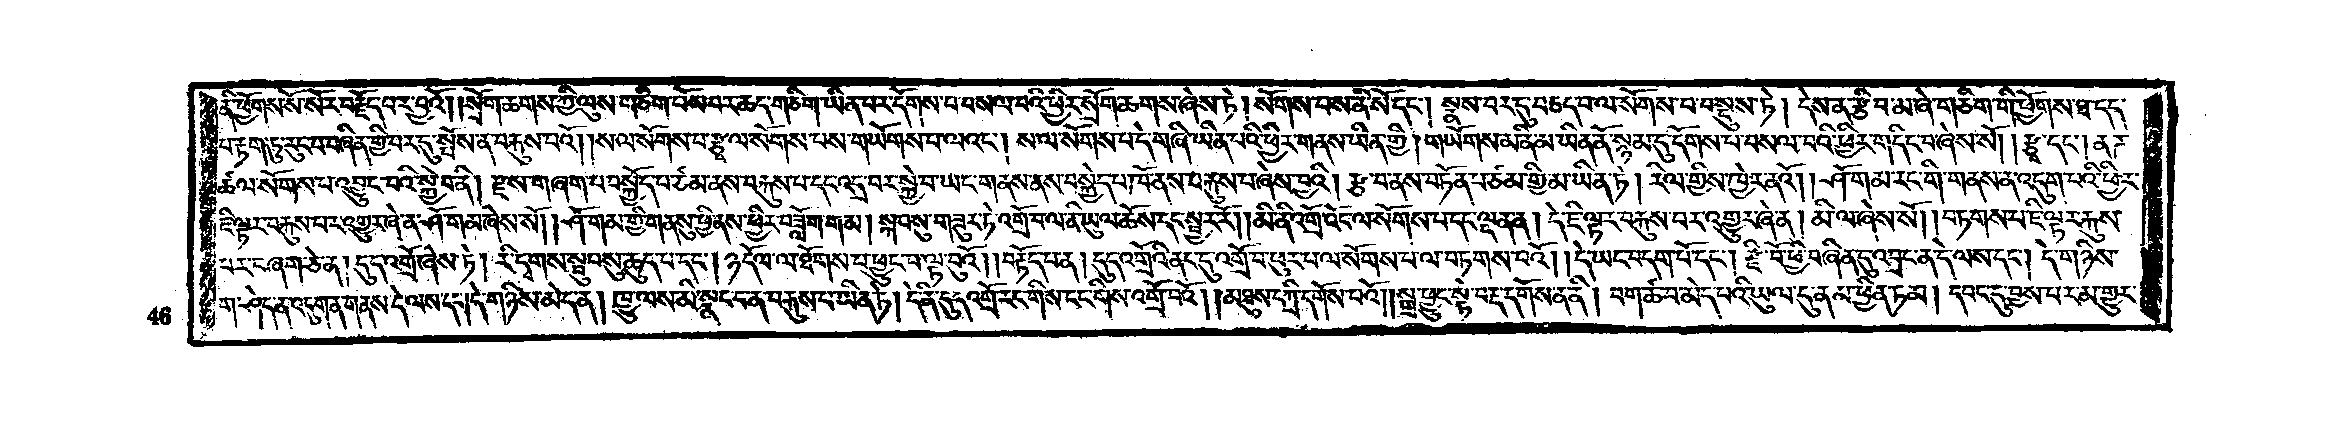ནི་ཕྱོགས་སོ་སོར་བརྗོད་པར་བྱའོ། །སྲོག་ཆགས་ཀྱི་ལུས་གཅིག་པོས་བར་ཆད་གཅིག་ཡིན་པར་དོགས་པ་བསལ་བའི་ཕྱིར་སྲོག་ཆགས་ཞེས་ཏེ། སོགས་པས་ནི་སོ་དང་། སྣས་བར་དུ་བཅད་པ་ལ་སོགས་པ་བསྡུས་ཏེ། དེས་ན་རྩི་བ་མ་ཞེ་གཅིག་གི་ཕྱོགས་ཐ་དད་
པ་རྟག་ཏུ་རུང་བ་བཞིན་གྱི་བར་དུ་སྤོས་ན་བརྐུས་པའོ། །ས་ལ་སེགས་པ་རྩྭ་ལ་སོགས་པས་གཡོགས་པ་ལའང་། ས་ལ་སོགས་པ་དེ་གཞི་ཡིན་པའི་ཕྱིར་གནས་ཡིན་གྱི། གཡོགས་མ་ནི་མ་ཡིན་ནོ་སྙམ་དུ་དོགས་པ་བསལ་བའི་ཕྱིར་གདིང་བ་ཞེས་སོ། །རྩྭ་དང་། ནཌ་
ཚལ་སོགས་པ་འབྱུང་བའི་སྐྱེ་བ་ནི། རྫས་གཞག་པ་བསྐྱོད་པ་ཙམ་ནས་བརྐུས་པ་དང་འདྲ་བར་སྐྱེ་བ་ཡང་གནས་ནས་བསྐྱེད་པ་ཁོ་ནས་བརྐུས་པ་ཞེས་བྱའི། རྩ་བ་ནས་བཏོན་པ་ཙམ་གྱི་མ་ཡིན་ཏེ། རིལ་གྱིས་ཁྱེར་ནའོ། །ཤོ་གམ་རང་གི་གནས་ན་འདུག་པའི་ཕྱིར་
ཇི་ལྟར་བརྐུས་པར་འགྱུར་ཞེ་ན་ཤོ་གམ་ཞེས་སོ། །ཤོ་གམ་གྱི་གནས་སུ་ཕྱི་ནས་ཕྱིར་བཟློག་གམ། སྐབས་སུ་གཟུར་ཏེ་འགྲོ་བ་ལ་ནི་ཡུལ་ཆོས་དང་སྦྱར་རོ། །མི་ནི་འགྲོ་འོང་ལ་སོགས་པ་དང་ལྡན་ན། དེ་ཇི་ལྟར་བརྐུས་པར་འགྱུར་ཞེ་ན། མི་ལ་ཞེས་སོ། །བཏགས་པ་ཇི་ལྟར་རྐུས་
པར་བཞག་ཅེ་ན། དུད་འགྲོ་ཞེས་ཏེ། རི་དྭགས་སྦུབས་སུ་ཆུད་པ་དང་། ཉ་དོལ་ལ་ཐོགས་པ་ཕྱུང་བ་ལྟ་བུའོ། །བརྟོད་པ་ན། དུད་འགྲོའི་ནང་དུ་འགྲོ་བ་ཕུར་པ་ལ་སོགས་པ་ལ་བཏགས་པའོ། །དེ་ཡང་བདག་པོ་དང་། རྫི་བོ་ཕྱི་བཞིན་དུ་འབྲང་ན་དེ་ལས་དང་། དེ་གཉིས་
ག་ཤེད་ན་འདུག་ན་གནས་དེ་ལས་དག་དེ་གཉིས་མེད་ན། ཁྱུ་ལས་མི་སྣང་བ་ན་བརྐུས་པ་ཡིན་ཏེ། དེ་ནི་དུད་འགྲོ་རང་གིས་ངང་གིས་འགྲོ་བའོ། །མཐུས་དཀྲི་དགོས་པའོ། །སྒྲ་ཕྱུང་སྟེ་བརྡ་དགོས་ན་ནི། བག་ཚ་བ་མེད་པའི་ཡུལ་དུ་ན་མ་ཕྱིན་ཏམ། དབང་དུ་བྱས་པར་མ་གྱུར་